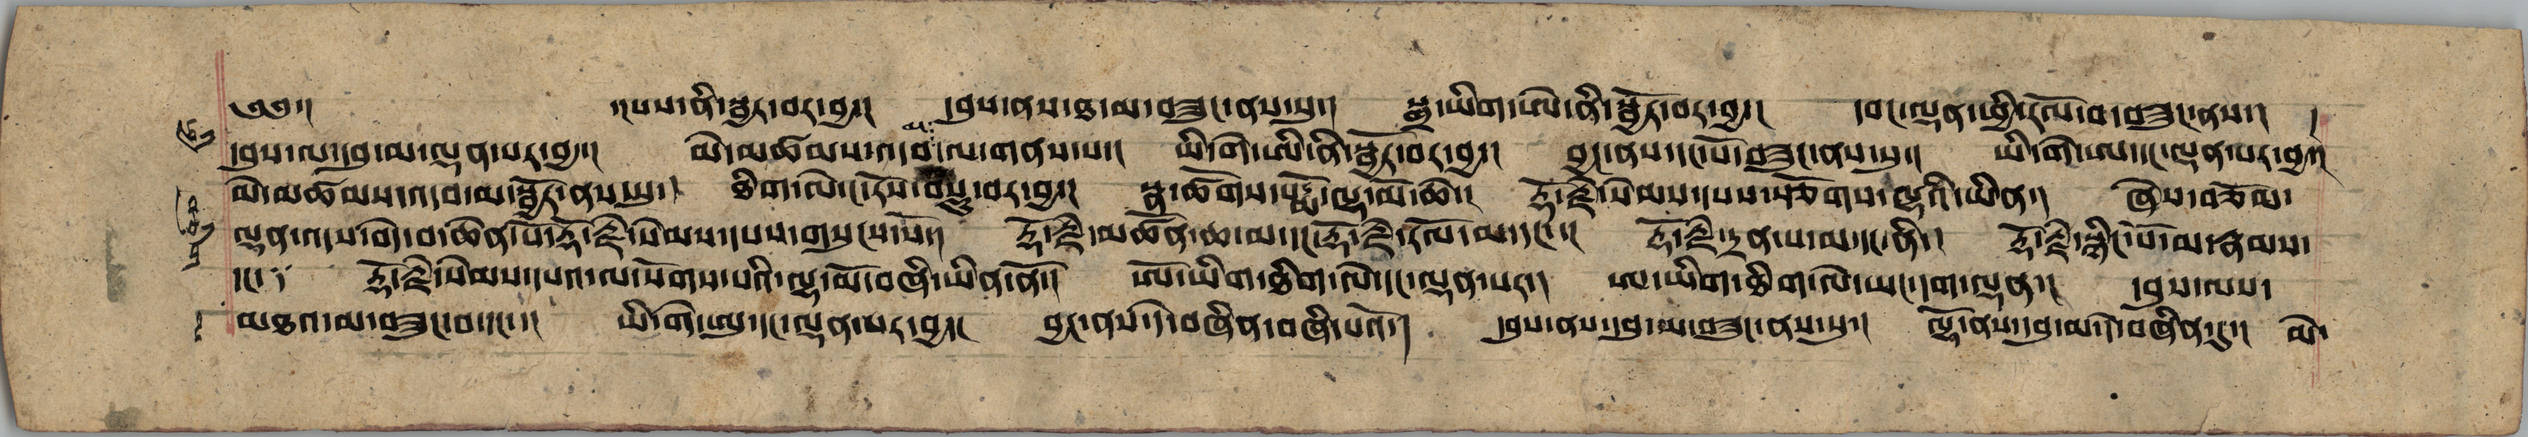༄༅་། ་།པས་ནི་སྦྱར་བར་བྱ་། དབུས་ནས་ཐ་མ་བཟུང་ནས་སུ་། སྒྲ་ཡིག་ཨེ་ནི་སྦྱོར་བར་བྱ་། དབང་ལྡན་ཕྱི་རོལ་བ་བཟུང་ནས་།
དབུས་ལ་དབུ་མ་ལྡན་པར་བྱ་། མེ་མཚམས་འདབ་མ་ལ་གནས་པ་། ཡི་གེ་ཨི་ནི་སྦྱོར་བར་བྱ་། བྱང་ནས་དང་པོ་བཟུང་ནས་སུ་། ཡི་གེ་ཨ་དང་ལྡན་པར་བྱ་།
མེ་མཚམས་འདབ་མ་སྦྱོར་ནས་སུ་། ཐིག་ལེ་ང་རོས་བསྡུ་བར་བྱ་། སྣ་ཚོགས་པདྨོ་ལྷ་མོ་ཆེ་། རྡོ་རྗེ་སེམས་དསས་སྩོགསལྷའི་ཡིན་། ཞེས་བཅོམ་
ལྡན་འདས་བདེ་བ་ཆེན་པོ་རྡོ་རྗེ་སེམས་དསས་གསུངས་སོ་། རྡོ་རྗེ་མཚོན་ཆ་མ་དང་རྡོ་རྗེ་རོལ་མ་དང་་། རྡོ་རྗེ་དྲན་ས་མ་དང་ནི་། རྡོ་རྗེ་སྙིང་པོ་མ་རྣམས་
དང་༑ རྡོ་རྗེ་སེམས་དཔའ་ལ་སོགས་པའི་ལྷ་མོ་བཞི་ཡིན་ནོ་། ཨོ་ཡིག་ཐིག་ལེ་དང་ལྡན་པར་། ཨ་ཡིག་ཐིག་ལེ་ཡང་དག་ལྡན་། དབུས་ལས་
མཐའ་མ་བཟུང་བ་དང་་། ཡི་གེ་ཨུ་དང་ལྡན་པར་བྱ་། བྱང་ནས་དེ་བཞིན་བཞི་པའོ་། དབུས་ནས་དབུ་མ་བཟུང་ནས་སུ་། ལྷོ་ནས་དབུ་མ་དེ་བཞིན་དུ་། མེ་